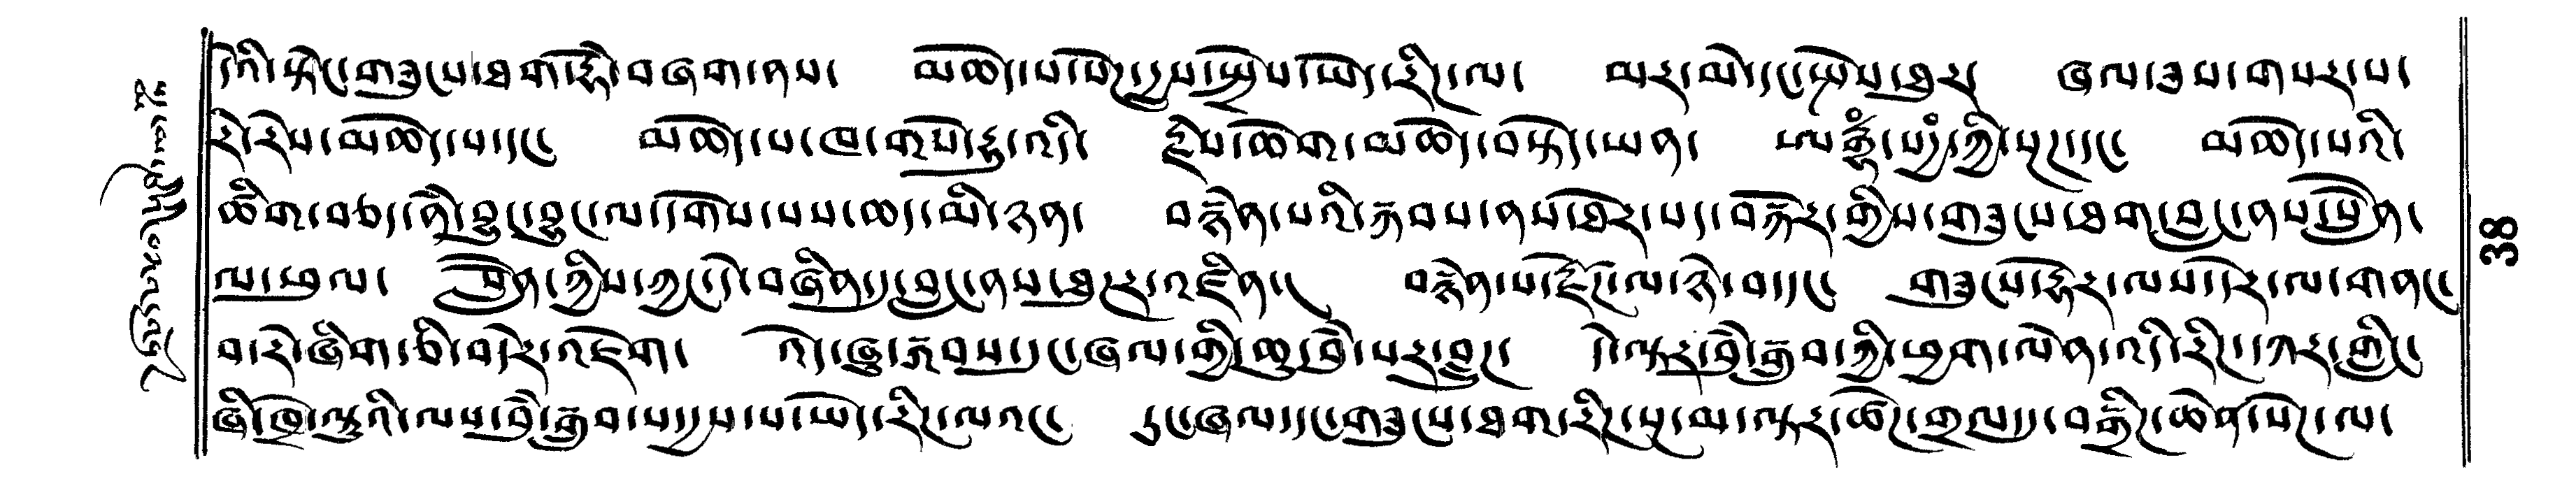དེའི་སྟེང་གཟུངས་ཐག་རྡོ་རྗེ་བཞག་ནས། མཆོད་པ་སོགས་རྒྱས་སྤྲོས་ཡོད་རིགས་ལ། མར་མེ་དང་སྤོས་ཐུར། ཞལ་ཟས་གསར་པ་
རེ་རེས་མཆོད་པ་དང་། མཆོད་པ་ཁ་གསོ་རྒྱུ་འདི། རྗེས་ཆོག་མཆོད་བསྟོད་ཡན། ཨརྒྷཾ་པདྱཾ་ཀྱི་སྔགས་དང་། མཆོད་པའི་
ཚིག་བཅད་ནམ་བྱུང་བྱུང་ལ་དགོས་པས་ཆད་མི་ཉན། བསྙེན་པའི་སྐབས། ནས་ཐོར། པད་བསྐོར་གྱིས་གཟུངས་ཐག་བླང་ནས་སློབ་དཔོན་
ལ་ཕུལ། སློབ་དཔོན་གྱིས་ཀྱང་དེ་བཞིན་དུ་བླང་ནས་ཐུགས་ཀར་འཛིན། བསྙེན་པ་རྫོགས་ལ་ཉེ་བ་དང་། གཟུངས་རྡོར་ལས་རྡོར་ལ་གནང་
བ་རེ་ཞིག་ཅི་བདེར་འཇོག འོད་ཞུ་སྐབས་དུང་ཞལ་གྱི་ཆུ་བུམ་པར་བླུགས། དེ་ལྟར་བུམ་སྒྲུབ་ཀྱི་ཕྱག་ལེན་འདི་རིགས་དཀར་གླིང་
ཞི་ཁྲོ་ལྟ་བུའི་ལས་བུམ་སྒྲུབ་པ་རྒྱས་པ་ཡོད་རིགས་ལའང་། དུང་ཞལ་དང་གཟུངས་ཐག་རིགས་སྔ་མ་ལྟར་ཚོགས་གྲལ་དུ་བསྒྲིགས་ཆེན་སོགས་ལ་